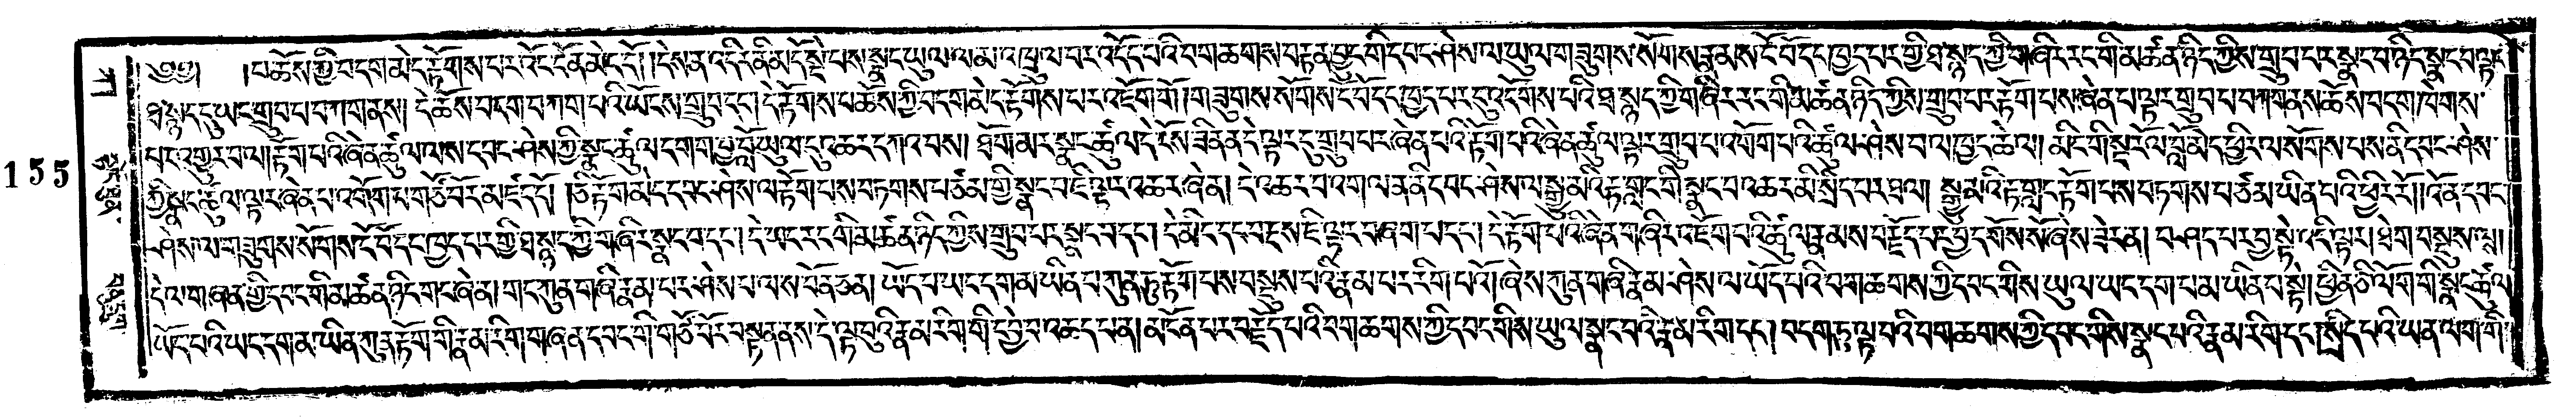༄༅། །པ་ཆོས་ཀྱི་བདག་མེད་རྟོགས་པར་འོང་དོན་མེད་དོ། །དེས་ན་འདིར་ནི་མདོ་སྡེ་པས་སྣང་ཡུལ་ལ་མ་འཁྲུལ་བར་འདོད་པའི་བག་ཆགས་བརྟན་བྱུང་གི་དབང་ཤེས་ལ་ཡུལ་གཟུགས་སོགས་རྣམས་ངོ་བོ་དང་ཁྱད་པར་གྱི་ཐ་སྙད་ཀྱི་གཞིར་རང་གི་མཚན་ཉིད་ཀྱིས་གྲུབ་པར་སྣང་ང་ཉིད་སྣང་བ་ལྟར་
ཐ་སྙད་དུ་ཡང་གྲུབ་པ་བཀག་ནས། དེ་ཆོས་བདག་བཀག་པའི་ཡོངས་གྲུབ་དང་། དེ་རྟོགས་པ་ཆོས་ཀྱི་བདག་མེད་རྟོགས་པར་འཇོག་གོ །གཟུགས་སོགས་ངོ་བོ་དང་ཁྱད་པར་དུ་འདོགས་པའི་ཐ་སྙད་ཀྱི་གཞིར་རང་གི་མཚན་ཉིད་ཀྱིས་གྲུབ་པར་རྟོག་པས་ཞེན་པ་ལྟར་གྲུབ་པ་བཀག་ནས་ཆོས་བདག་ཁེགས་
བར་འགྱུར་བ་ལ། རྟོག་པའི་ཞེན་ཚུལ་ལས་དབང་ཤེས་ཀྱི་སྣང་ཚུལ་དགག་བྱ་བློ་ཡུལ་དུ་འཆར་དཀའ་བས། ཐོག་མར་སྣང་ཚུལ་དེ་ངོས་ཟིན་ན་དེ་ལྟར་དུ་གྲུབ་པར་ཞེན་པའི་རྟོག་པའི་ཞེན་ཚུལ་ལྟར་གྲུབ་པ་འགོག་པའི་ཚུལ་ཤེས་པ་ལ་ཁྱད་ཆེ་ལ། མིང་གི་སྔ་རོལ་བློ་མེད་ཕྱིར་ལ་སོགས་པས་ནི་དབང་ཤེས་
ཀྱི་སྣང་ཚུལ་ལྟར་ཞེན་པ་འགོག་པ་གཙོ་བོར་མཛད་དོ། །ཅི་རྟོག་མེད་དབང་ཤེས་ལ་རྟོག་པས་བཏགས་པ་ཙམ་གྱི་སྣང་བ་ཇི་ལྟར་འཆར་ཞེན། དེ་འཆར་བ་འགལ་ན་ནི་དབང་ཤེས་ལ་སྒྱུ་མའི་རྟ་གླང་གི་སྣང་བ་འཆར་མི་སྲིད་པར་ཐལ། སྒྱུ་མའི་རྟ་གླང་རྟོག་པས་བཏགས་པ་ཙམ་ཡིན་པའི་ཕྱིར་རོ། །འོ་ན་དབང་
ཤེས་ལ་གཟུགས་སོགས་ངོ་བོ་དང་ཁྱད་པར་གྱི་ཐ་སྙད་ཀྱི་གཞིར་སྣང་བ་དང་། དེ་ཡང་རང་གི་མཚན་ཉིད་ཀྱིས་གྲུབ་པར་སྣང་བ་དང་། དེ་མིང་དང་བརྡས་ཇི་ལྟར་བཞག་པ་དང་། དེ་རྟོག་པའི་ཞེན་གཞིར་འཇོག་པའི་ཚུལ་རྣམས་བརྗོད་པར་བྱ་དགོས་སོ་ཞེས་ཟེར་ན། བཤད་པར་བྱ་སྟེ་འདི་ལྟར། ཐེག་བསྡུས་ལས།
དེ་ལ་གཞན་གྱི་དབང་གི་མཚན་ཉིད་གང་ཞེ་ན། གང་ཀུན་གཞི་རྣམ་པར་ཤེས་པ་ལ་ས་བོན་ཅན། ཡོད་པ་ཡང་དག་མ་ཡིན་པ་ཀུན་ཏུ་རྟོག་པས་བསྡུས་པའི་རྣམ་པར་རིག་པའོ། ཞེས་ཀུན་གཞི་རྣམ་ཤེས་ལ་ཡོད་པའི་བག་ཆགས་ཀྱི་དབང་གིས་ཡུལ་ཡང་དག་པ་མ་ཡིན་པ་སྟེ། ཕྱིན་ཅི་ལོག་གི་སྣང་ཚུལ་
ཡོད་པའི་ཡང་དག་མ་ཡིན་ཀུན་རྟོག་གི་རྣམ་རིག་གཞན་དབང་གི་གཙོ་བོར་བསྟན་ནས་དེ་ལྟ་བུའི་རྣམ་རིག་གི་དབྱེ་བ་འཆད་པ་ན། མངོན་པར་བརྗོད་པའི་བག་ཆགས་ཀྱི་དབང་གིས་ཡུལ་སྣང་བའི་རྣམ་རིག་དང་། བདག་ཏུ་ལྟ་བའི་བག་ཆགས་ཀྱི་དབང་གིས་སྣང་པའི་རྣམ་རིག་དང་། སྲིད་པའི་ཡན་ལག་གི་